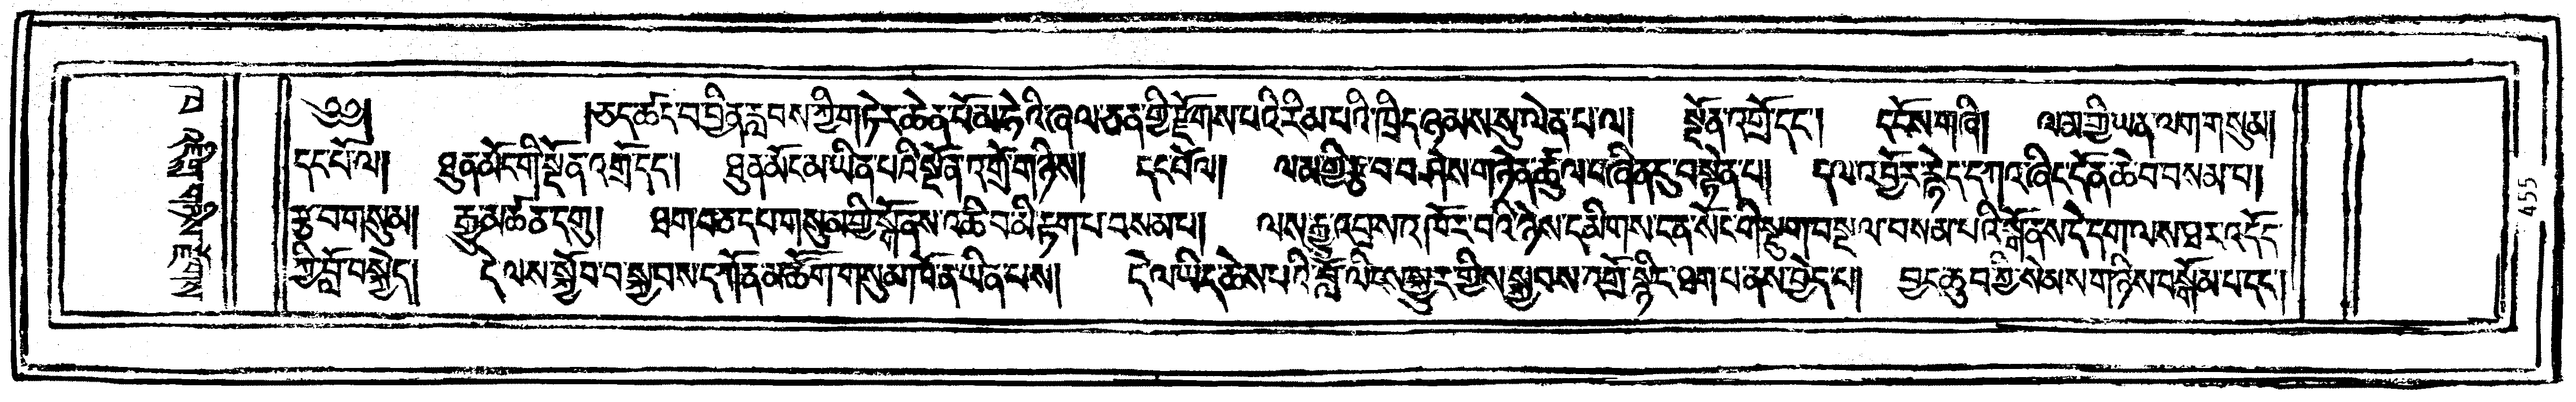༄༅། །ཅད་ཚང་བ་བྱིན་རླབས་ཀྱི་གཏེར་ཆེན་པོ་མ་ཧེའི་ཞལ་ཅན་གྱི་རྫོགས་པའི་རིམ་པའི་ཁྲིད་ཉམས་སུ་ལེན་པ་ལ། སྔོན་འགྲོ་དང་། དངོས་གཞི། ལམ་གྱི་ཡན་ལག་གསུམ།
དང་པོ་ལ། ཐུན་མོང་གི་སྔོན་འགྲོ་དང་། ཐུན་མོང་མ་ཡིན་པའི་སྔོན་འགྲོ་གཉིས། དང་པོ་ལ། ལམ་གྱི་རྩ་བ་བཤེས་གཉེན་ཚུལ་བཞིན་དུ་བསྟེན་པ། དལ་འབྱོར་རྙེད་དཀའ་ཞིང་དོན་ཆེ་བ་བསམ་པ།
རྩ་བ་གསུམ། རྒྱུ་མཚན་དགུ། ཐག་བཅད་པ་གསུམ་གྱི་སྒོ་ནས་འཆི་བ་མི་རྟག་པ་བསམ་པ། ལས་རྒྱུ་འབྲས་འཁོར་བའི་ཉེས་དམིགས་ངན་སོང་གི་སྡུག་བསྔལ་བསམ་པའི་སྒོ་ནས་དེ་དག་ལས་ཐར་འདོད་
ཀྱི་བློ་བསྐྱེད། དེ་ལས་སྐྱོབ་བ་སྐྱབས་དཀོན་མཆོག་གསུམ་ཁོ་ན་ཡིན་པས། དེ་ལ་ཡིད་ཆེས་པའི་བློ་ལིངས་སྐྱུར་གྱིས་སྐྱབས་འགྲོ་སྙིང་ཐག་པ་ནས་བྱེད་པ། བྱང་ཆུབ་ཀྱི་སེམས་གཉིས་བསྒོམ་པ་དང་།